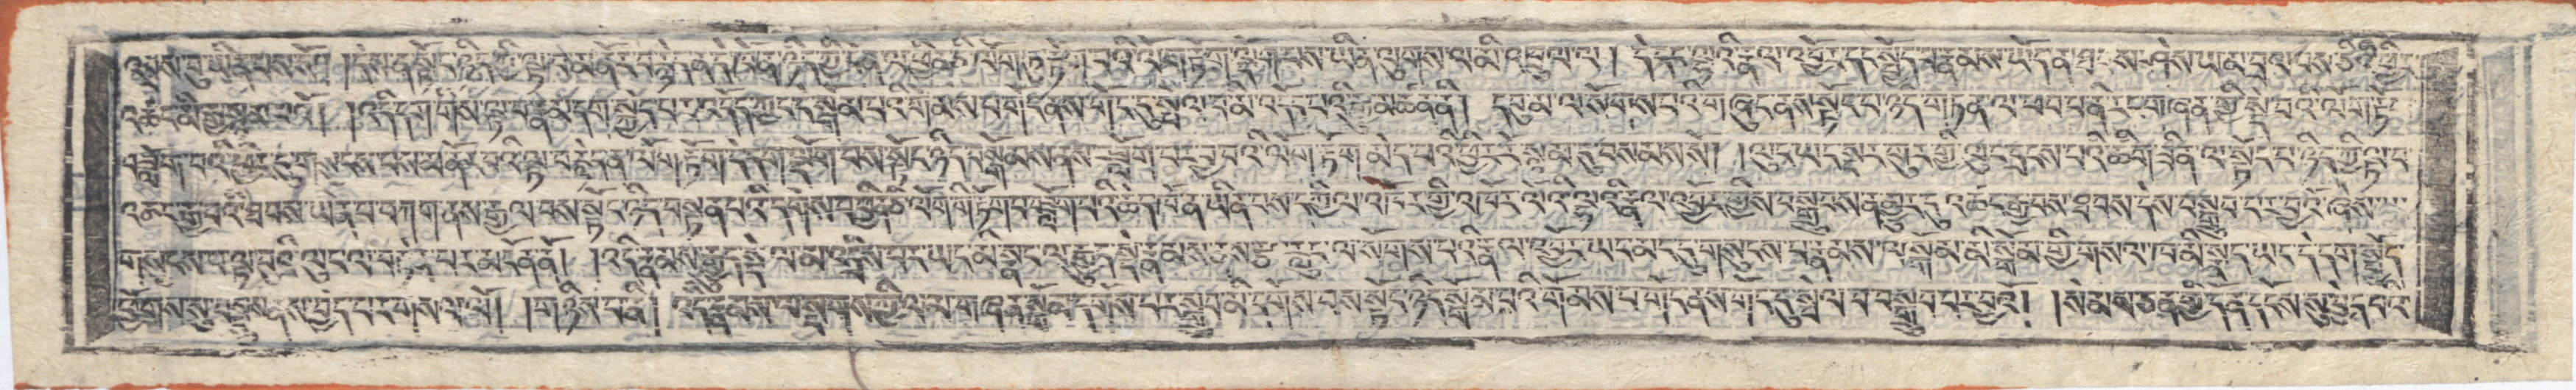འབྲས་བུ་ཡིན་པས་སོ། །དེས་ན་སྟོང་ཉིད་ཀྱི་ལྟ་བ་མ་ནོར་བ་རྙེད་ན་དེ་ཁོ་ན་ཉིད་ཀྱི་དོན་ལ་ཕྱིན་ཅི་ལོག་ཏུ་རྟོག་པའི་ལོག་རྟོག་ལྡོག་པས་ཡིན་ལུགས་ལ་མི་འཁྲུལ་ལ། དེ་དང་ལྷའི་རྣལ་འབྱོར་དང་སྤྱོད་པ་རྣམས་ཡོད་ན་ཐབས་ཤེས་ཡ་མ་བྲལ་བས་ཅིའི་ཕྱིར་
འཚང་མི་རྒྱ་སྙམ་པའོ། །འདི་དག་གིས་ལྟ་བ་རྣམ་དག་སྐྱེད་པར་འདོད་ཀྱང་དེ་སྒོམ་པའི་གོམས་པ་གོང་ནས་གོང་དུ་སྤེལ་བ་མི་འདོད་པའི་རྒྱུ་མཚན་ནི། དབུ་མ་ལ་སོགས་པའི་གཞུང་ནས་སྟོང་པ་ཉིད་གཏན་ལ་ཕབ་པ་ནི་རང་གཞན་གྱི་སྡེ་བའི་ལོག་རྟོག་
བཟློག་བའི་ཕྱིར་དུ་གསུངས་པས་མ་ནོར་བའི་ལྟ་བ་རྙེད་ན་ལོག་རྟོག་དེ་དག་ལྡོག་བས་སྟོང་ཉིད་བསྒོམས་ནས་བཟློག་པར་བྱ་བའི་ལོག་རྟོག་མེད་པའི་ཕྱིར་རོ་སྙམ་དུ་བསམས་སོ། །ལུང་ཡང་སྔར་གུར་གྱི་ལུང་དྲངས་པའི་ཚིག་ཟིན་ལ་སྟོང་པ་ཉིད་ཀྱི་ལྟ་བ་
འཚང་རྒྱ་བའི་ཐབས་ཡིན་པ་བཀག་ནས་རྒྱལ་བས་སྟོང་ཉིད་བསྟན་པའི་དགོས་པ་ཕྱིན་ཅི་ལོག་གི་རྟོག་པ་བཟློག་པའི་ཆེད་ཁོ་ན་ཡིན་པས་དཀྱིལ་འཁོར་གྱི་འཁོར་ལོའི་ལྷའི་རྣལ་འབྱོར་གྱིས་བསྒྲུབས་ན་མྱུར་དུ་འཚང་རྒྱ་བས་ཐབས་དེས་བསྒྲུབ་པར་བྱའོ་ཞེས་
གསུངས་པ་ལྟ་བུའི་ལུང་ལ་བརྟེན་པར་མངོན་ནོ། །འདི་རྣམས་རྒྱུད་སྡེ་ལ་མ་འདྲིས་པར་ཡང་མི་སྣང་ལ་རྒྱུད་སྡེ་རྣམས་ནས་རྩ་རླུང་ལ་སོགས་པའི་རྣལ་འབྱོར་ཡང་མང་དུ་གསུངས་པ་རྣམས་ལ་སྒོམ་མི་སྒོམ་གྱི་གསལ་ཁ་མི་སྣད་ཡང་དེ་དག་སྤྱོད་
ཕྱོགས་སུ་བསྡུས་ནས་བྱེད་པར་གསལ་ལོ། །གཉིས་པ་ནི། འདི་རྣམས་ལ་སྔགས་ཀྱི་ལམ་གཞན་སྒོམ་དགོས་པར་སྒྲུབ་མི་དགོས་པས་སྟོང་ཉིད་སྒོམ་པའི་གོམས་པ་གོང་ནས་གོང་དུ་སྤེལ་བ་བསྒྲུབ་པར་བྱའོ། །སེམས་ཅན་གྱི་དོན་དངོས་སུ་བྱེད་པའི་